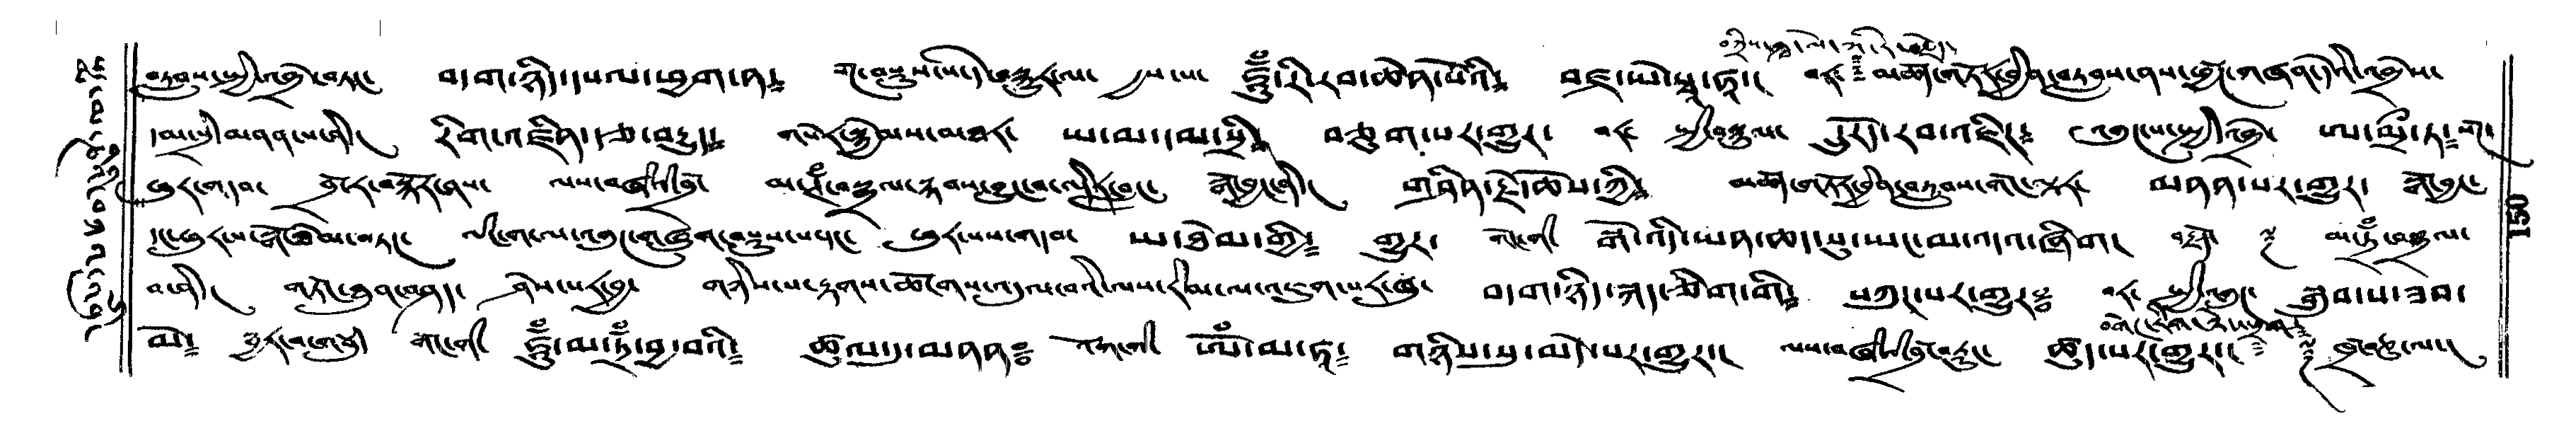རླབས་སྤྱི་འགྲོ་བཏང་། བདག་ཉིད་དཔལ་ཕྱག་ན༴ སོགས་བསྡུས་པ་དེ་བསྐྱུར་ལ། རྒྱས་པ། ཧཱུྃ༔རི་རབ་ཆེན་པོའི༴ བཛྲ་ཡེ་སྭ་ཧཱ། བར། བཀྲ་ཤིས་ཤྭ་ལོ་ཀ་རེ་རྗོད། མཆོད་གཏོར་བྱིན་རླབས་ནས་ཕྱོགས་གཞན་དེའི་འགྲོས། 
དམ་སྲི་མནན་པ་ནི། རིག་འཛིན་རྩ་བརྒྱུད༴ གསེར་སྐྱེམས་མཐར། ཡ་མ་དམ་སྲི༴ བཅུག་པར་གྱུར། བར། སྤྱི་སྐུལ། དུར་ཁྲོད་རབ་འཇིགས༴ འགུགས་པ་སྤྱི་འགྲོ། ཨ་མྲྀ་ཏ༴ སོགས། 
ཕུར་གདབ། བྲོ་ར་བསྐོར་ནས། ལས་བཞིའི་བྲོ། མ་ཊམ་སྒྲོལ་སྐབས་བྱུང་བ་འདིར་བླང་། སྒོ་བྱང་ནི། གཤིན་རྗེ་ཆོས་ཀྱི༴ མཆོད་གཏོར་བྱིན་རླབས་གོང་ལྟར། མནན་པར་གྱུར། སྒོ་བྱང་
དང་ཕུར་པ་སྒོ་ཐེམ་བཏགས་། ལིང་ག་ལ་འགུགས་གཞུག་བསྡུས་པ་དང་། ཕུར་པས་གདབ། ཡ་ཐེམ་གྱི༴ གྱུར། གོང་གི སྒོ་འདི་ཡན་ཆད་སུ་ཡང་མ་འདའ་ཞིག རྗོད། མ་ཏྲཾ་སྒྲོལ་
བ་ནི། གཏོང་ཐུན་བཤད། ཤེས་པར་བྱ། གཉིས་པ་རྟགས་ཆོ་གས་འདུལ་བའི་ལས་རིམ་ལ་འཇུག་པར་ཞུ། བདག་ཉིད་སྐད་ཅིག་གིས༴ བཀུག་པར་གྱུར༔ བར། སྤྱི་འགུགས། སྒྲུབ་པ་ཟབ་
མོ༴ སྦྱར་བ་གསུམ། གོང་གི ཧཱུྃ༔མ་ཏྲཾ་བྱ་བའི༴ ཚུལ་དུ་མནན༔ འོག་གི ཨོཾ་མ་ཧཱ༴ གཉིས་སུ་མེད་པར་གྱུར། ལས་བཞིའི་བྲོ་རྡུང་། ཚུད་པར་གྱུར། བགེགས་རིག་སྟོང་ཕྲག༴ ༈ ཁྲོ་བཅུ་ལ།